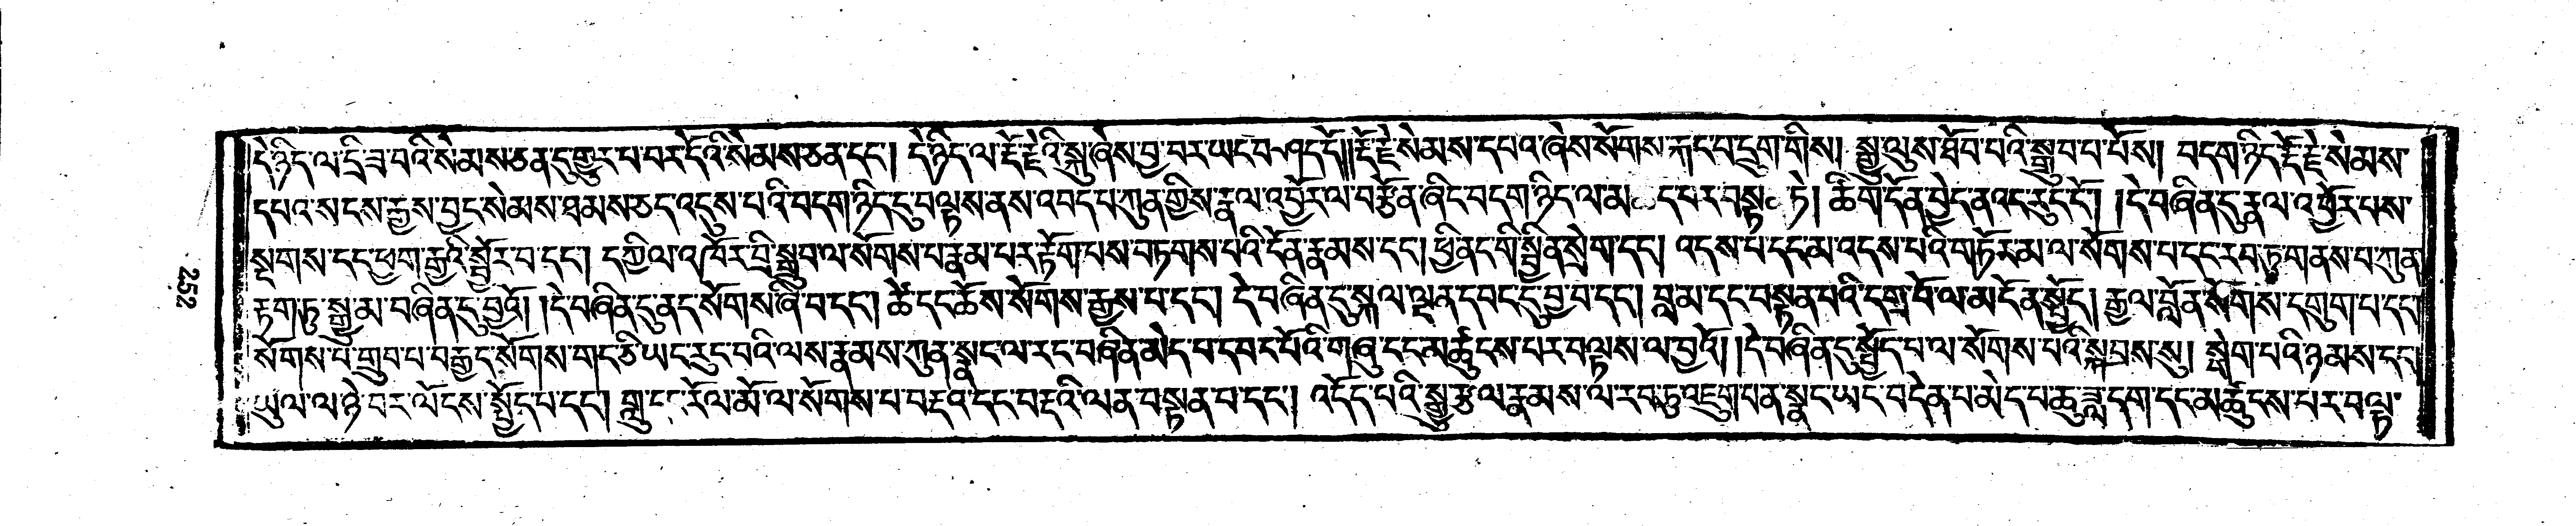དེ་ཉིད་ལ་དྲི་ཟ་བའི་སེམས་ཅན་དུ་གྱུར་པ་བར་དོའི་སེམས་ཅན་དང་། དེ་ཉིད་ལ་རྡོ་རྗེའི་སྐུ་ཞེས་བྱ་བར་ཡང་བཤད་དོ། །རྡོ་རྗེ་སེམས་དཔའ་ཞེས་སོགས་རྐང་པ་དྲུག་གིས། སྒྱུ་ལུས་ཐོབ་པའི་སྒྲུབ་པ་པོས། བདག་ཉིད་རྡོ་རྗེ་སེམས་
དཔའ་སངས་རྒྱས་བྱང་སེམས་ཐམས་ཅད་འདུས་པའི་བདག་ཉིད་དུ་བལྟས་ནས་འབད་པ་ཀུན་གྱིས་རྣལ་འབྱོར་ལ་བརྩོན་ཞིང་བདག་ཉིད་ལ་མཆོད་པར་བསྟན་ཏེ། ཚིག་དོན་བྱེད་ནའང་རུང་ངོ། །དེ་བཞིན་དུ་རྣལ་འབྱོར་བས་
སྔགས་དང་ཕྱག་རྒྱའི་སྦྱོར་བ་དང་། དཀྱིལ་འཁོར་བྲི་སྒྲུབ་ལ་སོགས་པ་རྣམ་པར་རྟོག་པས་བཏགས་པའི་དོན་རྣམས་དང་། ཕྱི་ནང་གི་སྦྱིན་སྲེག་དང་། འདས་པ་དང་མ་འདས་པའི་གཏོར་མ་ལ་སོགས་པ་དང་རབ་ཏུ་གནས་པ་ཀུན་
རྟག་ཏུ་སྒྱུ་མ་བཞིན་དུ་བྱའོ། །དེ་བཞིན་དུ་ནད་སོགས་ཞི་བ་དང་། ཚེ་དང་ཆོས་སོགས་རྒྱས་པ་དང་། དེ་བཞིན་དུ་སྐལ་ལྡན་དབང་དུ་བྱ་བ་དང་། བླ་མ་དང་བསྟན་པའི་དགྲ་བོ་ལ་མངོན་སྤྱོད། རྒྱལ་བློན་སོགས་དགུག་པ་དང་
སོགས་པ་གྲུབ་པ་བརྒྱད་སོགས་གང་ཅི་ཡང་རུང་བའི་ལས་རྣམས་ཀུན་སྣང་ལ་རང་བཞིན་མེད་པ་དབང་པོའི་གཞུ་དང་མཚུངས་པར་བལྟས་ལ་བྱའོ། །དེ་བཞིན་དུ་སྤྱོད་པ་ལ་སོགས་པའི་སྐབས་སུ། སྒེག་པའི་ཉམས་དང་
ཡུལ་ལ་ཉེ་བར་ལོངས་སྤྱོད་པ་དང་། གླུ་དང་རོལ་མོ་ལ་སོགས་པ་བརྡའ་དང་བརྡའི་ལན་བསྟན་པ་དང་། འདོད་པའི་སྒྱུ་རྩལ་རྣམས་ལ་རབ་ཏུ་འཇུག་པ་ན་སྣང་ཡང་བདེན་པ་མེད་པ་ཆུ་ཟླ་དག་དང་མཚུངས་པར་བལྟ་